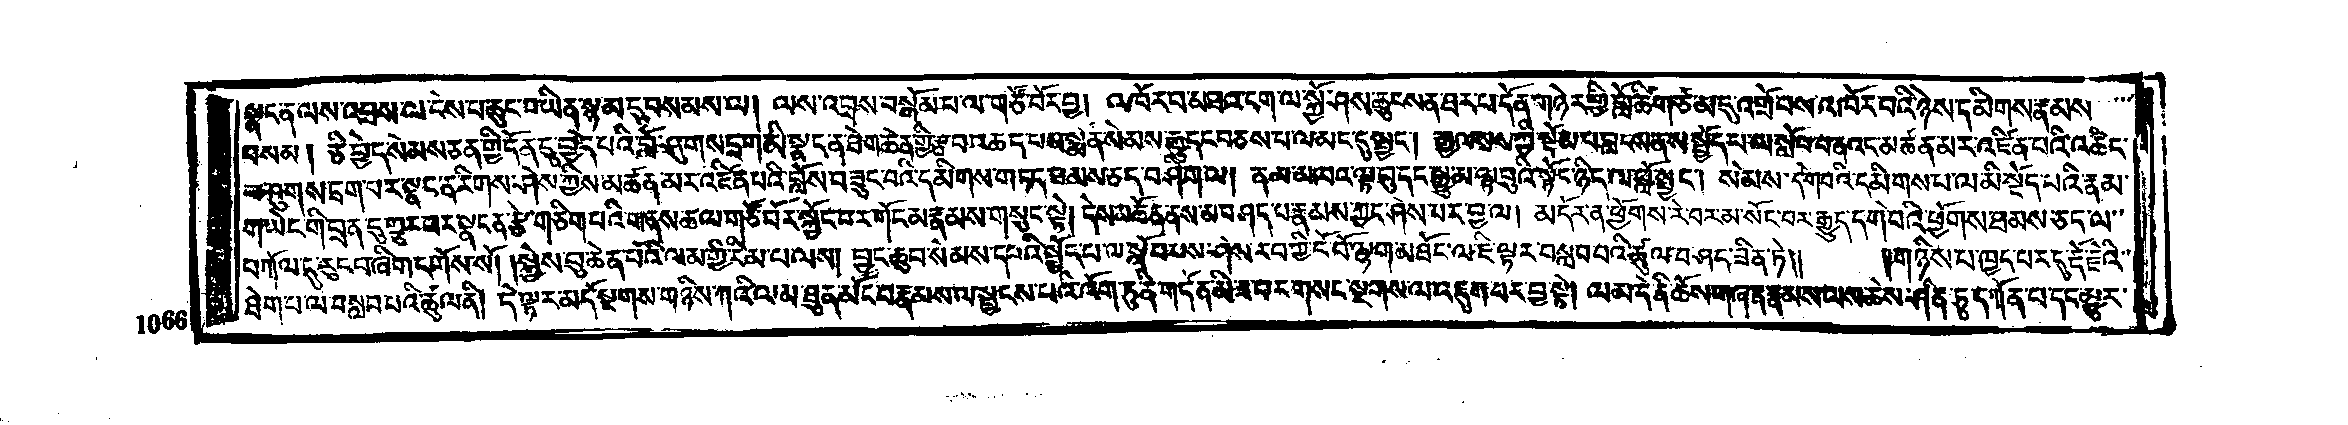སྣང་ན་ལས་འབྲས་ལ་ངེས་པ་ཆུང་བ་ཡིན་སྙམ་དུ་བསམས་ལ། ལས་འབྲས་བསྒོམ་པ་ལ་གཙོ་བོར་བྱ། འཁོར་བ་མཐའ་དག་ལ་སྐྱོ་ཤས་ཆུངས་ན་ཐར་པ་དོན་གཉེར་གྱི་བློ་ཚིག་ཙམ་དུ་འགྲོ་བས་འཁོར་བའི་ཉེས་དམིགས་རྣམས་
བསམ། ཅི་བྱེད་སེམས་ཅན་གྱི་དོན་དུ་བྱེད་པའི་བློ་ཤུགས་དྲག་མི་སྣང་ན་ཐེག་ཆེན་གྱི་རྩབ་འཆད་པས་སྨོན་སེམས་རྒྱུ་དང་བཅས་པ་ལ་མང་དུ་སྦྱང་། རྒྱལ་སྲས་ཀྱི་སྡོམ་པ་བླངས་ནས་སྤྱོད་པ་ལ་སློབ་པ་ནའང་མཚན་མར་འཛིན་པའི་འཆིང་
བ་ཤུགས་དྲག་པར་སྣང་ན་རིགས་ཤེས་ཀྱིས་མཚན་མར་འཛིན་པའི་བློས་བཟུང་བའི་དམིགས་གཏད་ཐམས་ཅད་བཤིག་ལ། ནམ་མཁའ་ལྟ་བུ་དང་སྒྱུ་མ་ལྟ་བུའི་སྟོང་ཉིད་ལ་བློ་སྦྱང་། སེམས་དགེ་བའི་དམིགས་པ་ལ་མི་སྡོད་པའི་རྣམ་
གཡེང་གི་བྲན་དུ་གྱུར་པར་སྣང་ན་རྩེ་གཅིག་པའི་གནས་ཆ་ལ་གཙོ་བོར་སྐྱོང་བར་གོང་མ་རྣམས་གསུང་སྟེ། དེས་མཚོན་ནས་མ་བཤད་པ་རྣམས་ཀྱང་ཤེས་པར་བྱ་ལ། མདོར་ན་ཕྱོགས་རེ་བར་མ་སོང་བར་རྒྱུད་དགེ་བའི་ཕྱོགས་ཐམས་ཅད་ལ་
བཀོལ་དུ་རུང་བ་ཞིག་དགོས་སོ། །སྐྱེས་བུ་ཆེན་པོའི་ལམ་གྱི་རིམ་པ་ལས། བྱང་ཆུབ་སེམས་དཔའི་སྤྱོད་པ་ལ་སློབ་པས་ཤེས་རབ་ཀྱི་ངོ་བོ་ལྷག་མཐོང་ལ་ཇི་ལྟར་བསླབ་པའི་ཚུལ་བཤད་ཟིན་ཏོ།། །།གཉིས་པ་ཁྱད་པར་དུ་རྡོ་རྗེའི་
ཐེག་པ་ལ་བསླབ་པའི་ཚུལ་ནི། དེ་ལྟར་མདོ་སྔགས་གཉིས་ཀའི་ལམ་ཐུན་མོང་བ་རྣམས་ལ་སྦྱངས་པའི་འོག་ཏུ་ནི་གདོན་མི་ཟ་བར་གསང་སྔགས་ལ་འཇུག་པར་བྱ་སྟེ། ལམ་དེ་ནི་ཆོས་གཞན་རྣམས་ལས་ཆེས་ཤིན་ཏུ་དཀོན་པ་དང་མྱུར་